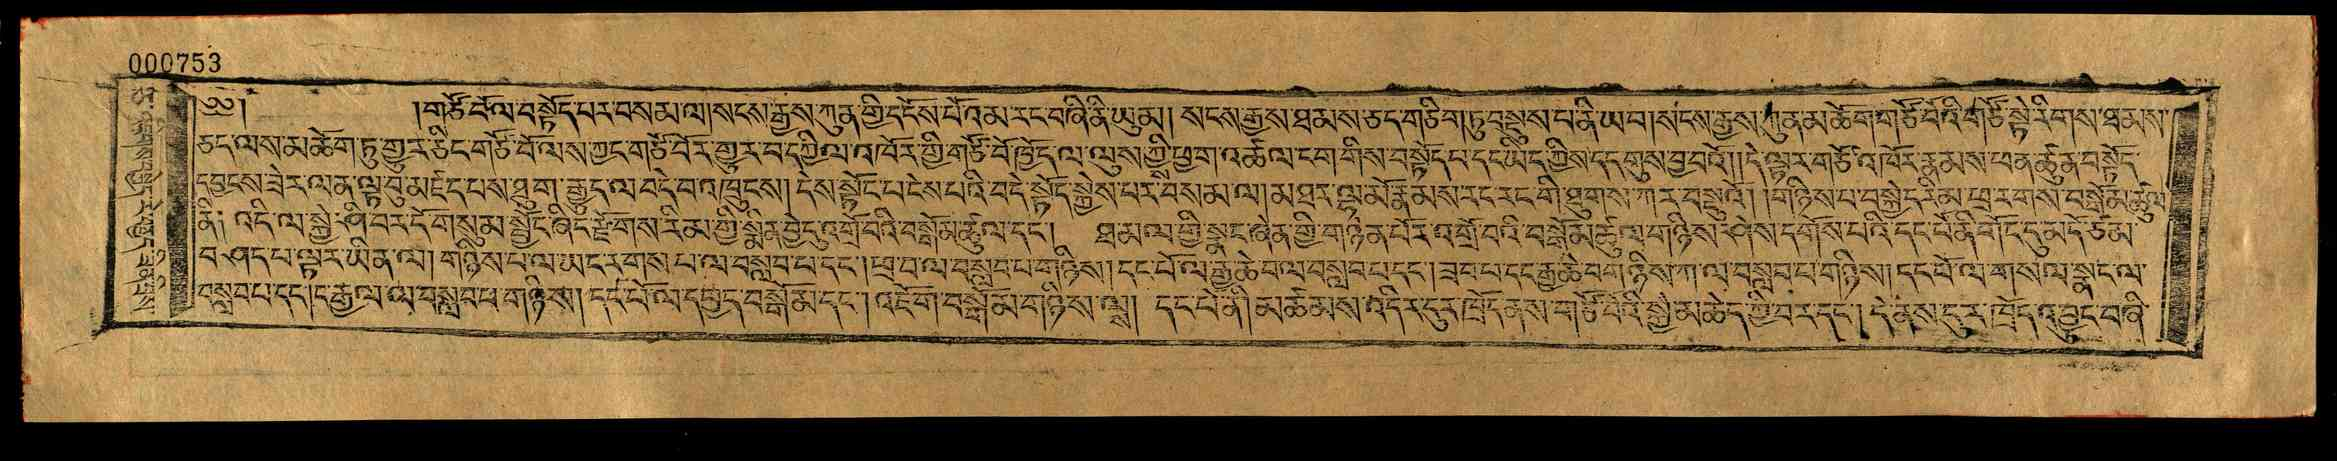༄༅། །གཙོ་བོ་ལ་བསྟོད་པར་བསམ་ལ། སངས་རྒྱས་ཀུན་གྱི་དངོས་པོ་འམ་རང་བཞི་ནི་ཡུམ། སངས་རྒྱས་ཐམས་ཅད་གཅིག་ཏུ་བསྡུས་པ་ནི་ཡབ། སངས་རྒྱས་ཀུན་མཆོག་གཙོ་བོའི་གཙོ་སྟེ་རིགས་ཐམས་
ཅད་ལས་མཆོག་ཏུ་གྱུར་ཅིང་གཙོ་བོ་ལས་ཀྱང་གཙོ་བོར་གྱུར་པ་དཀྱིལ་འཁོར་གྱི་གཙོ་བོ་ཁྱོད་ལ་ལུས་ཀྱིས་ཕྱག་འཚལ་ངག་གིས་བསྟོད་པ་དང་ཡིད་ཀྱིས་དད་གུས་བྱ་བའོ། །དེ་ལྟར་གཙོ་འཁོར་རྣམས་ཕན་ཚུན་བསྟོད་
དབྱངས་ཟེར་ལན་ལྟ་བུ་མཛད་པས་ཐུགས་རྒྱུད་ལ་བདེ་བ་འཁྲུངས། དེས་སྟོང་པ་ངེས་པའི་བདེ་སྟོང་སྐྱེས་པར་བསམ་ལ། མཐར་ལྷ་མོ་རྣམས་རང་རང་གི་ཐུགས་ཀར་བསྡུའོ། །གཉིས་པ་བསྐྱེད་རིམ་ཕྲ་རགས་བསྒོམ་ཚུལ་
ནི༑ འདི་ལ་སྐྱེ་ཤི་བར་དོ་གསུམ་སྦྱོང་ཞིང་རྫོགས་རིམ་གྱི་སྨིན་བྱེད་དུ་འགྲོ་བའི་བསྒོམ་ཚུལ་དང་། ཐ་མལ་གྱི་སྣང་ཞེན་གྱི་གཉེན་པོར་འགྲོ་བའི་བསྒོམ་ཚུལ་གཉིས་ཤེས་དགོས་པའི་དང་པོ་ནི་གོང་དུ་མདོ་ཙམ་
བཤད་པ་ལྟར་ཡིན་ལ། གཉིས་པ་ལ་ཡང་རགས་པ་ལ་བསླབ་པ་དང་། ཕྲ་བ་ལ་བསླབ་པ་གཉིས། དང་པོ་ལ་རྒྱ་ཆེ་བ་ལ་བསླབ་པ་དང་། ཟབ་པ་དང་རྒྱ་ཆེ་བ་གཉིས་ཀ་ལ་བསླབ་པ་གཉིས། དང་པོ་ལ་གསལ་སྣང་ལ་
བསླབ་པ་དང་། ང་རྒྱལ་ལ་བསླབ་པ་གཉིས། དང་པོ་ལ་དཔྱད་བསྒོམ་དང་། འཇོག་བསྒོམ་གཉིས་ལས། དང་པོ་ནི། མཚམས་འདིར་དུར་ཁྲོད་ནས་གཙོ་བོའི་སྐྱེ་མཆེད་ཀྱི་བར་དང་། དེ་ནས་ངུར་ཁྲོད་འབྱུང་བཞི་